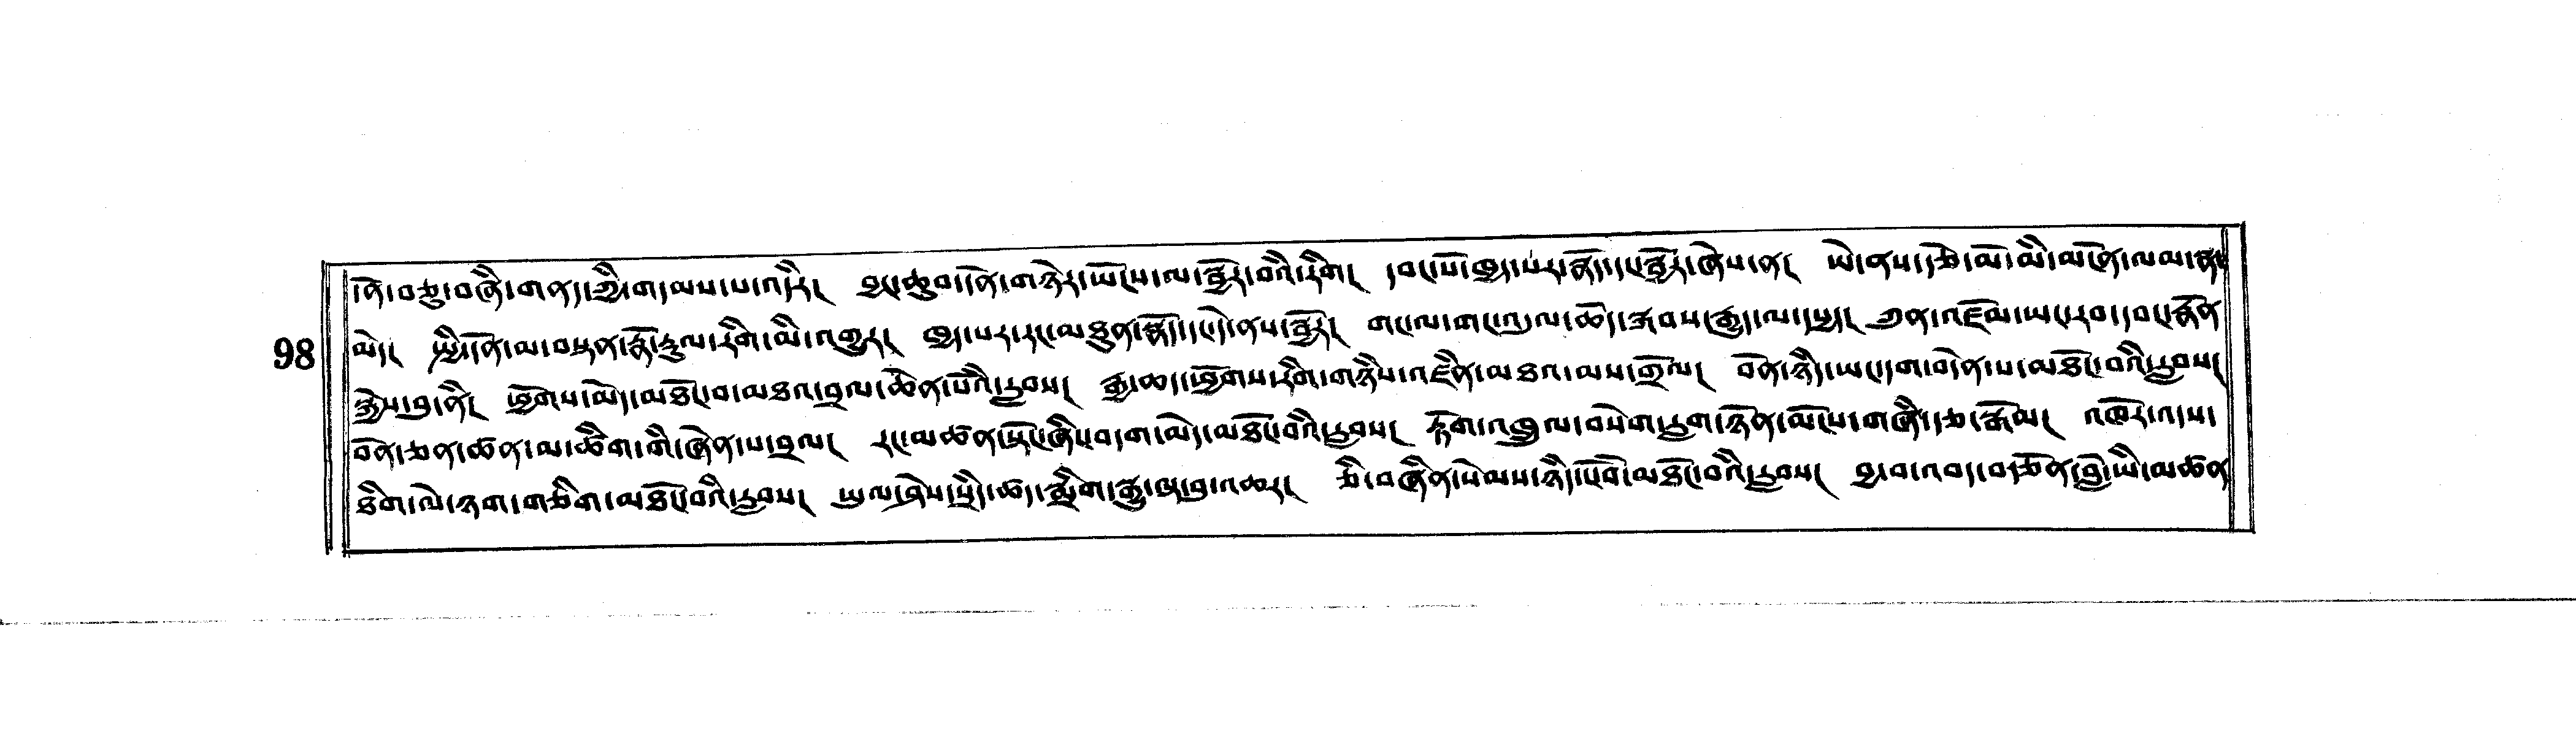དོན་བཅུ་བཞི་གནད་ཀྱི་གདམས་པ་འདིར། བྱང་ཆུབ་དོན་གཉེར་ཡོངས་ལ་སྦྱོར་བའི་རིགས། དབང་པོ་ཁྱད་པར་སྣོད་དང་སྦྱོར་ཞེས་ན། ཡེ་ནས་རྩེ་མོ་མངོན་ལམ་སྣང་
མེད། སྤྱི་དོན་མ་བསྟན་རྣོ་རྟུལ་རིག་མི་འགྱུར། ཁྱད་པར་རང་མཐུན་སྣོད་དང་དེ་ནས་སྦྱོར། གང་ལ་གང་འདུལ་ཆོད་སྐབས་རྒྱུད་ལ་དཔྱད། ཀུན་འཛོམས་ཡང་རབ་དབང་རྣོན་
སྐྱེས་བུ་ནི། ཕྱོགས་མེད་མཐོང་བ་མཐའ་བྲལ་ཆེན་པོའི་རླབས། རྒྱ་ཆད་ཕྱོགས་རིས་གཉིས་འཛིན་མཐའ་ལས་གྲོལ། བོན་ཉིད་ཡང་དག་བདེན་པ་མཐོང་བའི་རླབས། 
བོན་ཅན་མཚན་མ་ཚིག་གི་ཞེན་པ་བྲལ། རང་མཚན་སྟོང་ཞིང་བདག་མེད་མཐོང་བའི་རླབས། རྟོག་འཁྲུལ་བསེག་རླག་ཉོན་མོངས་གཞི་རྩ་སྒོམ། འཁོར་འདས་
ཐིག་ལེ་ཉག་ཅིག་མཐོང་བའི་རླབས། ཡུལ་ཤེས་སྲིད་ཚད་སྨྲིག་སྒྱུ་ལྟ་བུ་འཆར། ཅི་བཞིན་སེམས་ཉིད་ངོ་བོ་མཐོང་བའི་རླབས། བྱ་བ་འབད་བརྩོན་བློ་ཡི་མཚན་